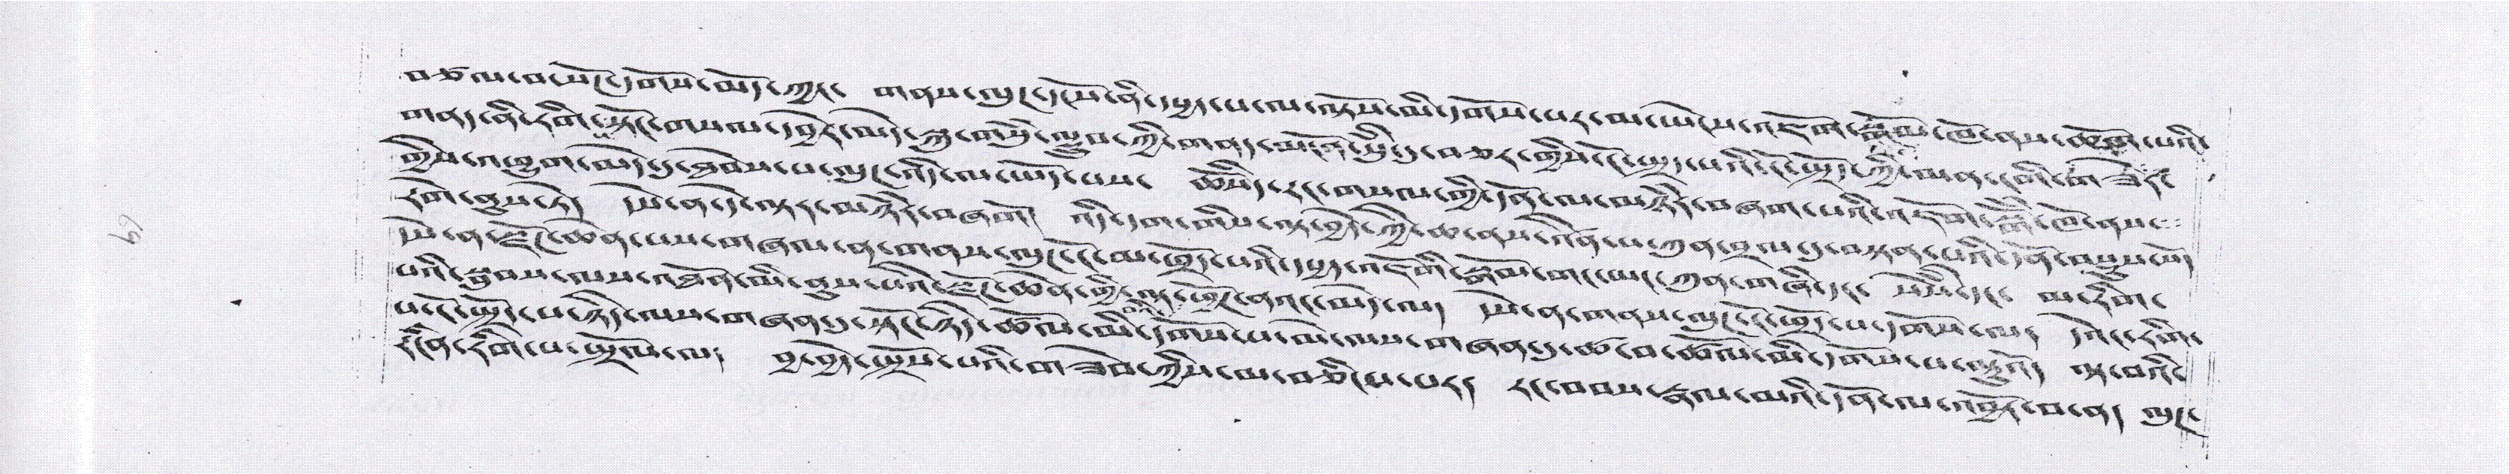བཙལ་བ་སོགས་དགོས་མོད་ཀྱང་། གནས་ལུགས་དངོས་ནི་དཔྱད་པ་ལ་ལྟོས་མི་དགོས་པར་མ་ཡེངས་འཇོག་སྒོམ་ཁོ་ནས་ཆོག་པའི་
གནད་ནི་རིག་པ་སྟོང་གསལ་དབྱེར་མེད་སྐུ་གསུམ་ལྷུན་གྲུབ་ཀྱི་གནད་མངོན་སུམ་དུ་ཅར་གྱིས་ངོ་སྤྲད་པའི་ངོ་སྤྲོད་ཀྱི་མན་ངག་གི་གཟེར་
གྱིས་འཕྱུག་མེད་དུ་ཐེབས་པ་ལུགས་འདི་ལ་ཡོད་པས། ཆོས་ཉིད་རང་གསལ་གྱི་དོན་ལ་མཉམ་པར་བཞག་པའི་འཇོག་སྒོམ་ཁོ་ནས་
རེག་ནུས་ཏེ། དེས་ན་དེ་ལྟར་མཉམ་གཞག་གོ འདི་དག་གིས་ལྟ་བྱེད་ཀྱི་ཆ་ནས་འཛིན་པ་ཀུན་བྲལ་དུ་བསྟན་པའི་དོན་བསྡུས་སོ། 
དེས་ན་རྫོགས་ཆེན་པས་གཞལ་ན་གནས་ལུགས་ངོ་མ་འཕྲོད་པའི་དཔྱད་འཇོག་གི་སྒོམ་གང་ཡང་ཀུན་གཞི་དང་། སེམས་དང་། མ་རིག་
པའི་སྦུབས་ལས་འཐོན་མི་ནུས་པས་རྫོགས་ཆེན་གྱི་ལྟ་བའི་ཕྱོགས་ནའང་མེད་ལ། དེས་ན་གནས་ལུགས་ངོ་སྤྲོད་པ་དགོས་ལ། དེའང་རིག་
པ་ངོ་སྤྲོད་པ་ལས་གཞན་དུ་སྟོང་ཉིད་ཚོལ་མི་དགོས་པ་མེ་ལས་གཞན་དུ་ཚ་བ་ཚོལ་མི་དགོས་པ་ལྟ་བུའོ། ལྟ་བའི་
རང་བཞིན་རིག་པ་སྤྲོས་བྲལ་ལ། བྱ་བྱེད་སྤྲོས་པའི་གཟེབ་ཀྱིས་མ་བཅིངས་པར། རང་བབས་རྣལ་མའི་དོན་ལ་འབྱོར་བ་ན། ལུགས་